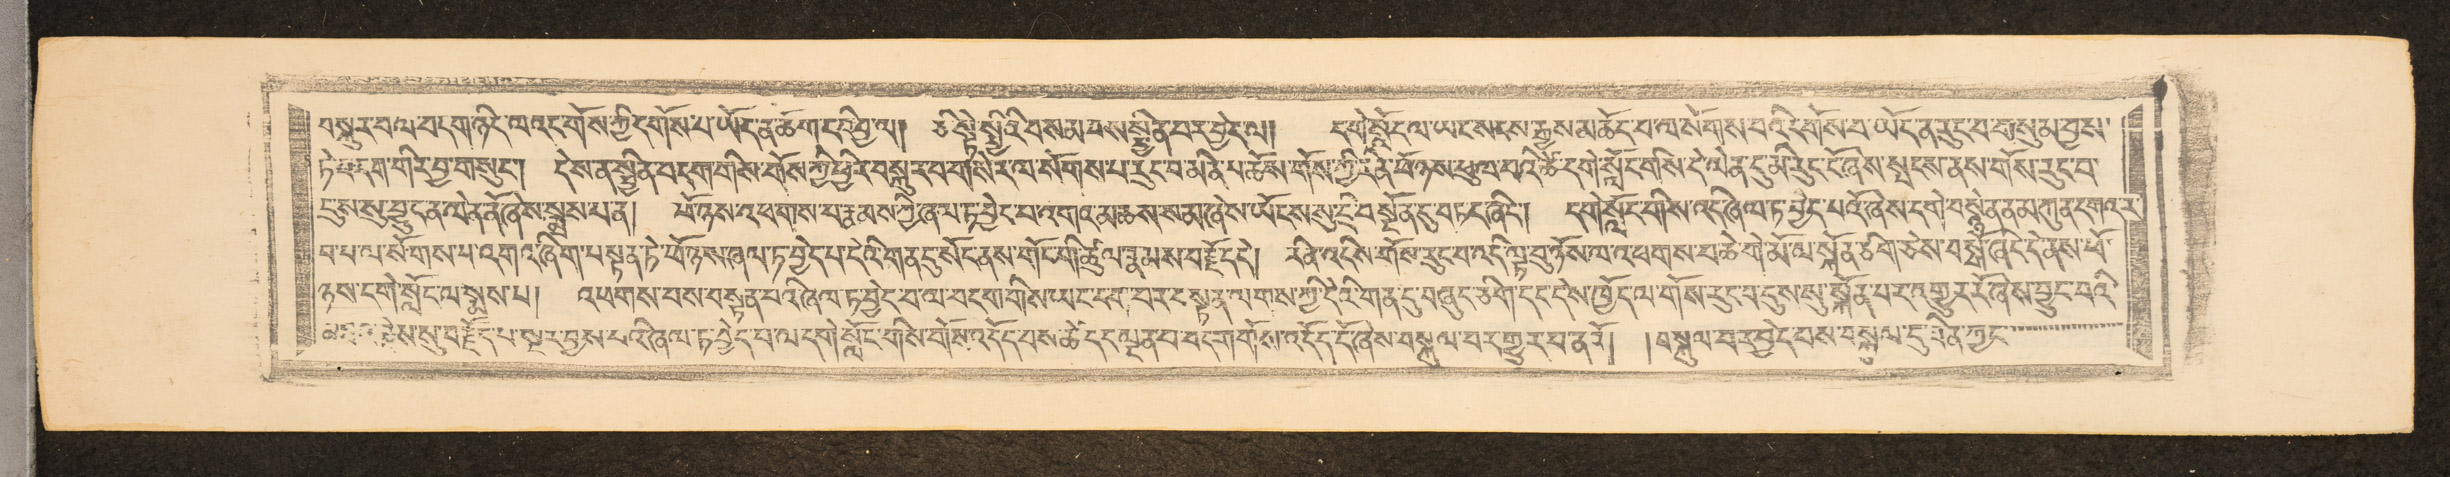བསྐུར་བལ་བདག་ཉིད་ལའང་གོས་ཀྱི་དགོས་བ་ཡོང་ན་ཆོ་ག་འདི་བྱ་ལ། ཅི་སྟེ་སྤྱིའི་བསམ་བས་སྦྱིན་བར་བྱེད་ལ། དགེ་སློང་ལ་ཡང་སངས་རྒྱས་མཆོད་བ་ལ་སོགས་བའི་དགོས་པ་ཡོད་ན་རུང་བ་གསུམ་བྱས་
ཏེ་བདག་གིར་བྱ་གསུང་། དེས་ན་སྦྱིན་བདག་གིས་གོས་ཀྱི་ཕྱིར་བསྐུར་བ་གསེར་ལ་སོགས་པ་རུང་བ་མིན་བ་ཆོས་གོས་ཀྱི་རིན་ཕོ་ཉས་ཕུལ་བའི་ཚེ་དགེ་སློང་གིས་དེ་ལེན་དུ་མི་རུང་ངོ་ཞེས་སྤངས་ནས་གོས་རུང་བ་
དུས་སུ་བྱུང་ན་ལེན་ནོ་ཞེས་སྨྲས་པ་ན། ཕོ་ཉས་འཕགས་པ་རྣམས་ཀྱི་ཞལ་ཏ་བྱེད་པ་འགའ་མཆིས་སམ་ཞེས་ཡོངས་སུ་དྲི་བ་སྔོན་དུ་བཏང་ཞིང་། དགེ་སློང་གིས་འདི་ཞལ་ཏ་བྱེད་པའོ་ཞེས་དགེ་བསྙེན་ནམ་ཀུན་དགའ་ར་
བ་བ་ལ་སོགས་པ་འགའ་ཞིག་བསྟན་ཏེ་ཕོ་ཉས་ཞལ་ཏ་བྱེད་པ་དེའི་གན་དུ་སོང་ནས་གོང་གི་ཚུལ་རྣམས་བརྗོད་དེ། རིན་འདིས་གོས་རུང་བ་འདི་ལྟ་བུ་ཉོས་ལ་འཕགས་པ་ཆེ་གེ་མོ་ལ་སྐོན་ཅིག་ཅེས་བསྒོ་ཞིང་དེ་ནས་ཕོ་
ཉས་དགེ་སློང་ལ་སྨྲས་པ། འཕགས་པས་བསྟན་པའི་ཞལ་ཏ་བྱེད་བ་ལ་བདག་གིས་ཡང་དག་བར་བསྟན་ལགས་ཀྱི་དེའི་གན་དུ་བཞུད་ཅིག་དང་དེས་ཁྱོད་ལ་གོས་རུང་བ་དུས་སུ་སྐོན་བར་འགྱུར་རོ་ཞེས་བྱུང་བའི་
མཐའ་རྗེས་སུ་བརྗོད་པ་སྔར་བྱས་པའི་ཞལ་ཏ་བྱེད་པ་ལ་དགེ་སློང་གིས་གོས་འདོད་བས་ཚེ་དང་ལྡན་བ་བདག་གོས་འདོད་དོ་ཞེས་བསྐུལ་བར་གྱུར་པ་ནའོ། །བསྐུལ་བར་བྱེད་པས་བསྐུལ་དུ་ཟིན་ཀྱང་